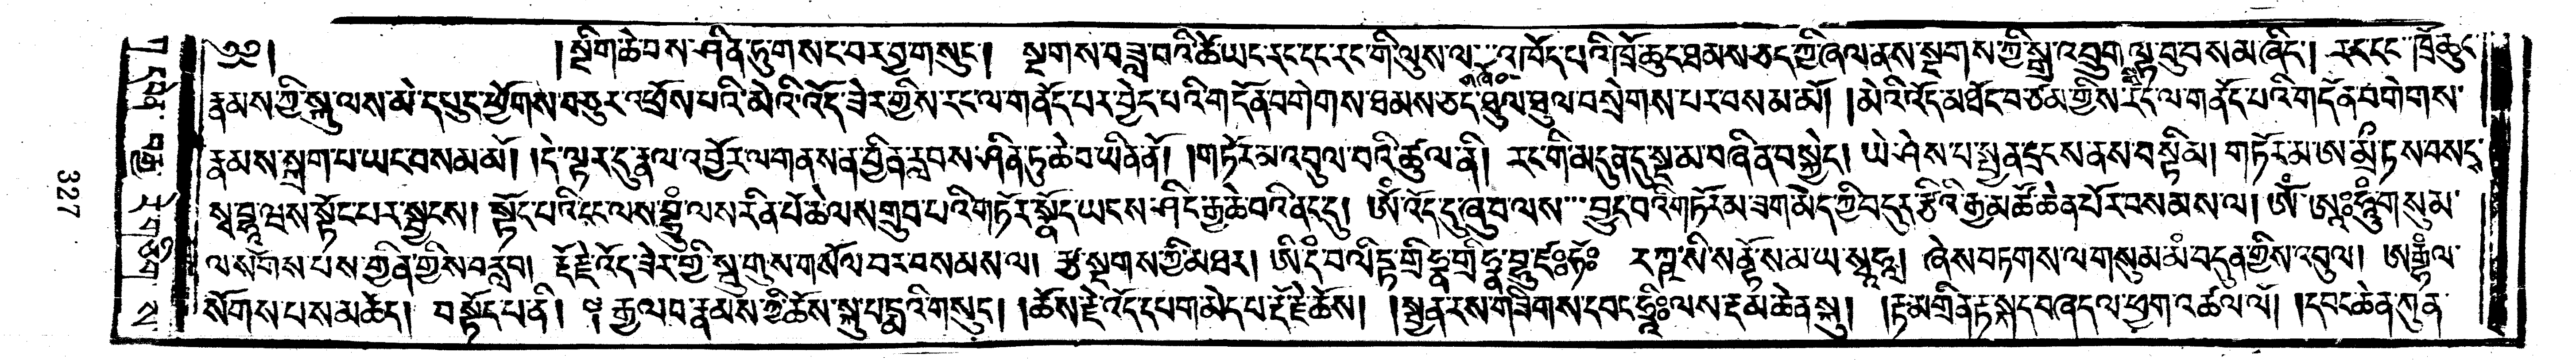༄༅། །སྡིག་ཆེ་བས་ཤིན་ཏུ་གསང་བར་བྱ་གསུང་། སྔགས་བཟླ་བའི་ཚེ་ཡང་རང་དང་རང་གི་ལུས་ལ་གཞོབ་འཁོད་པའི་ཁྲོ་ཆུང་ཐམས་ཅད་ཀྱི་ཞལ་ནས་སྔགས་ཀྱི་སྒྲ་འབྲུག་སྒྲ་ལྟ་བུ་བསམ་ཞིང་། རང་དང་ཁྲོ་ཆུང་
རྣམས་ཀྱི་སྐུ་ལས་མེ་དཔུང་ཕྱོགས་བཅུར་འཕྲོས་པའི་མེའི་འོད་ཟེར་གྱིས་རང་ལ་གནོད་པར་བྱེད་པའི་གདོན་བགེགས་ཐམས་ཅད་ཐུལ་ཐུལ་བསྲེགས་པར་བསམ་མོ། །མེའི་འོད་མཐོང་བ་ཙམ་གྱིས་རང་ལ་གནོད་པའི་གདོན་བགེགས་
རྣམས་སྐྲག་པ་ཡང་བསམ་མོ། །དེ་ལྟར་དུ་རྣལ་འབྱོར་ལ་གནས་ན་བྱིན་རླབས་ཤིན་ཏུ་ཆེ་བ་ཡིན་ནོ། །གཏོར་མ་འབུལ་བའི་ཚུལ་ནི། རང་གི་མདུན་དུ་སྔ་མ་བཞིན་བསྐྱེད། ཡེ་ཤེས་པ་སྤྱན་དྲངས་ནས་བསྟིམ། གཏོར་མ་ཨ་མྲྀ་ཏས་བསངས་
སྭ་བྷཱ་ཝས་སྟོང་པར་སྦྱངས། སྟོང་པའི་ངང་ལས་བྷྲུཾ་ལས་རིན་པོ་ཆེ་ལས་གྲུབ་པའི་གཏོར་སྣོད་ཡངས་ཤིང་རྒྱ་ཆེ་བའི་ནང་དུ། ཨོཾ་འོད་དུ་ཞུ་བ་ལས་བྱུང་བའི་གཏོར་མ་ཟག་མེད་ཀྱི་བདུད་རྩིའི་རྒྱ་མཚོ་ཆེན་པོར་བསམས་ལ། ཨོཾ་ཨཱཿ ཧཱུཾ་གསུམ་
ལ་སོགས་པས་གྱིན་གྱིས་བརླབ། རྡོ་རྗེ་འོད་ཟེར་གྱི་སྦུ་གུ་ས་གསོལ་བར་བསམས་ལ། རྩ་སྔགས་ཀྱི་མཐར། ཨི་དཾ་བ་ལིདྟ་གྲིཧྣ་གྲིཧྣ་བྷུ་ཛཿ ཧོཿ རཀྵ་སི་སནྟོ་ས་མ་ཡ་སྭཱ་ཧཱ། ཞེས་བཏགས་ལ་གསུམ་མཾ་བདུན་གྱིས་འབུལ། ཨརྒྷལཾ་
སོགས་པས་མཆོད། བསྟོད་པ་ནི། ༈ རྒྱལ་བ་རྣམས་ཀྱི་ཆོས་སྐུ་པདམའི་གསུང་། །ཆོས་རྗེ་འོད་དཔག་མེད་པ་རྡོ་རྗེ་ཆོས། །སྤྱན་རས་གཟིགས་དབང་ཧྲཱིཿ ལས་རྡམ་ཆེན་སྐུ། །རྟ་མགྲིན་རྟ་སྐད་བཞད་ལ་ཕྱག་འཚལ་ལོ། །དབང་ཆེན་ཀུན་